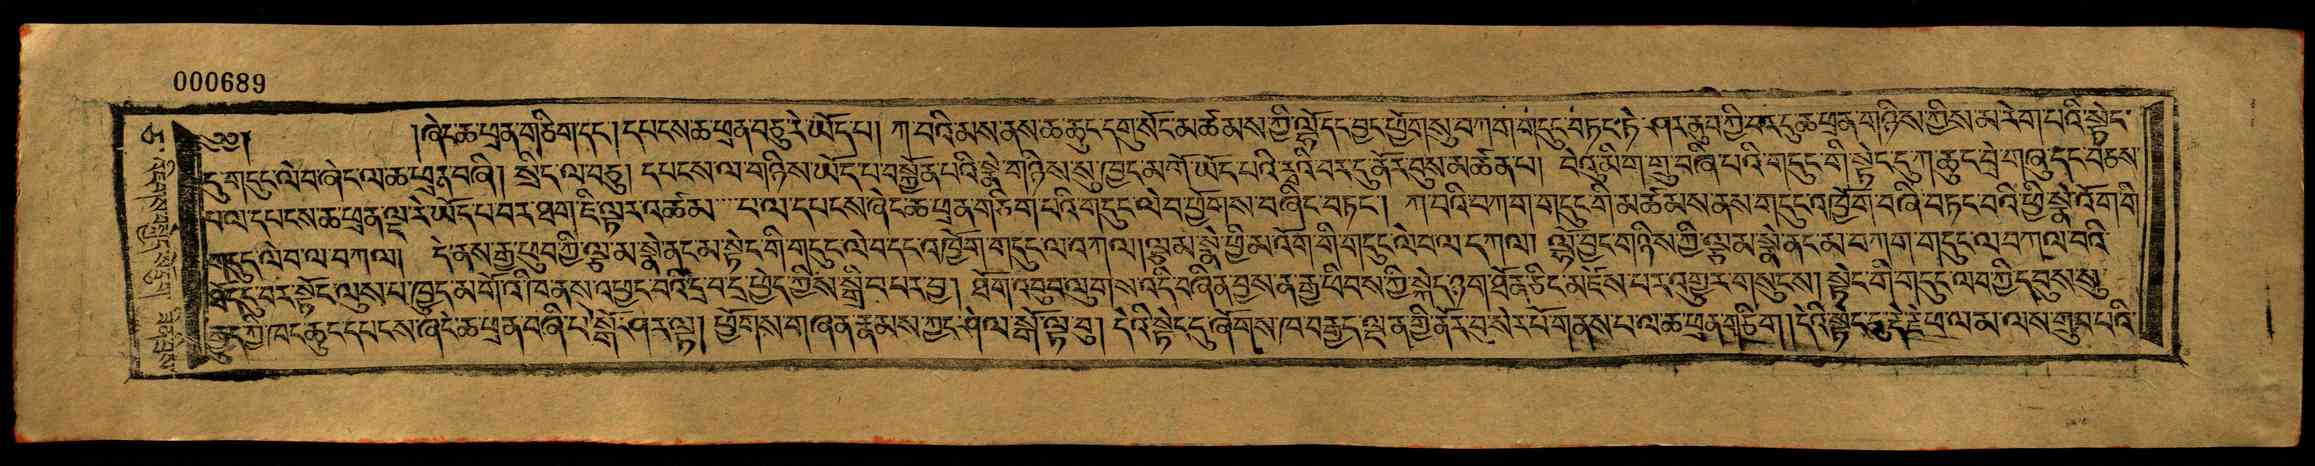༄༅། །ཞེང་ཆ་ཕྲན་གཅིག་དང་། དཔངས་ཆ་ཕྲན་བཅུར་ཡོད་པ། ཀ་བའི་མས་ནས་ཆ་ཆུང་དགུ་སོང་མཚམས་ཀྱི་ལྷོ་དང་བྱང་ཕྱོགས་སུ་བཀག་གདུང་བཏང་ཏེ་ཤར་ནུབ་ཀྱི་བར་དུ་ཆ་ཕྲན་གཉིས་ཀྱིས་མ་རེག་པའི་སྟེང་
དུ་གདུང་ལེབ་ཞེང་ལ་ཆ་ཕྲན་བཞི། སྲིད་ལ་བཅུ། དཔངས་ལ་གཉིས་ཡོད་པ་བསྐྱོན་པའི་སྣེ་གཉིས་སུ་ཁྱུད་མགོ་ཡོད་པའི་རྭའི་བར་དུ་ནོར་བུས་མཚན་པ། རེའུ་མིག་གྲུ་བཞི་པའི་གདུང་གི་སྟེང་དུ་ཀ་ཆུང་བྲེ་གཞུ་དང་བཅས་
པ་ལ་དཔངས་ཆ་ཕྲན་ལྔ་རེ་ཡོད་པ་པར་ཐག་ཇི་ལྟར་འཚམ་པ་ལ་དཔངས་ཞེང་ཆ་ཕྲན་གཅིག་པའི་གདུང་ལེབ་ཕྱོགས་བཞིར་བཏང་། ཀ་བའི་བཀག་གདུང་གི་མཚམས་ནས་གདུང་འཁྱོག་བཞི་བཏང་བའི་ཕྱི་སྣེ་འོག་གི་
གདུང་ལེབ་ལ་བཀལ། དེ་ནས་རྒྱ་ཕུབ་ཀྱི་ལྕམ་སྣེ་ནང་མ་སྟེང་གི་གདུང་ལེབ་དང་འཁྱོག་གདུང་ལ་བཀལ། ལྕམ་སྣེ་ཕྱི་མ་འོག་གི་གདུང་ལེབ་ལ་བཀལ། ལྷོ་བྱང་གཉིས་ཀྱི་ལྕམ་སྣེ་ནང་མ་བཀག་གདུང་ལ་བཀལ་བའི་
ཐོད་དུ་བར་སྟོང་ལུས་པ་ཁྱུང་མགོའི་ཁ་ནས་འཕྱང་བའི་དྲ་བ་དྲ་ཕྱེད་ཀྱིས་སྒྲིབ་པར་བྱ། ཐོག་འབུབ་ལུགས་འདི་བཞིན་བྱས་ན་རྒྱ་ཕིབས་ཀྱི་སྐེད་ཉག་ཐོན་ཅིང་མཛེས་པར་འགྱུར་གསུངས། སྟེང་གི་གདུང་ལབ་ཀྱི་དབུས་སུ་
རྒྱུད་ཀྱི་ཁང་ཆུང་དཔངས་ཞེང་ཆ་ཕྲན་བཞི་པ་སྒོ་ཤར་ལྟ། ཕྱོགས་གཞན་རྣམས་ཀྱང་ཤེལ་སྒོ་ལྟ་བུ། དེའི་སྟེང་དུ་ཞོགས་ཁ་བརྒྱད་ལྡན་གྱི་ནོར་བུ་སེར་པོ་གནས་པ་ལ་ཆ་ཕྲན་གཅིག །དེའི་སྟེང་དུ་རྡོ་རྗེ་ཕ་ལམ་ལས་གྲུབ་པའི་